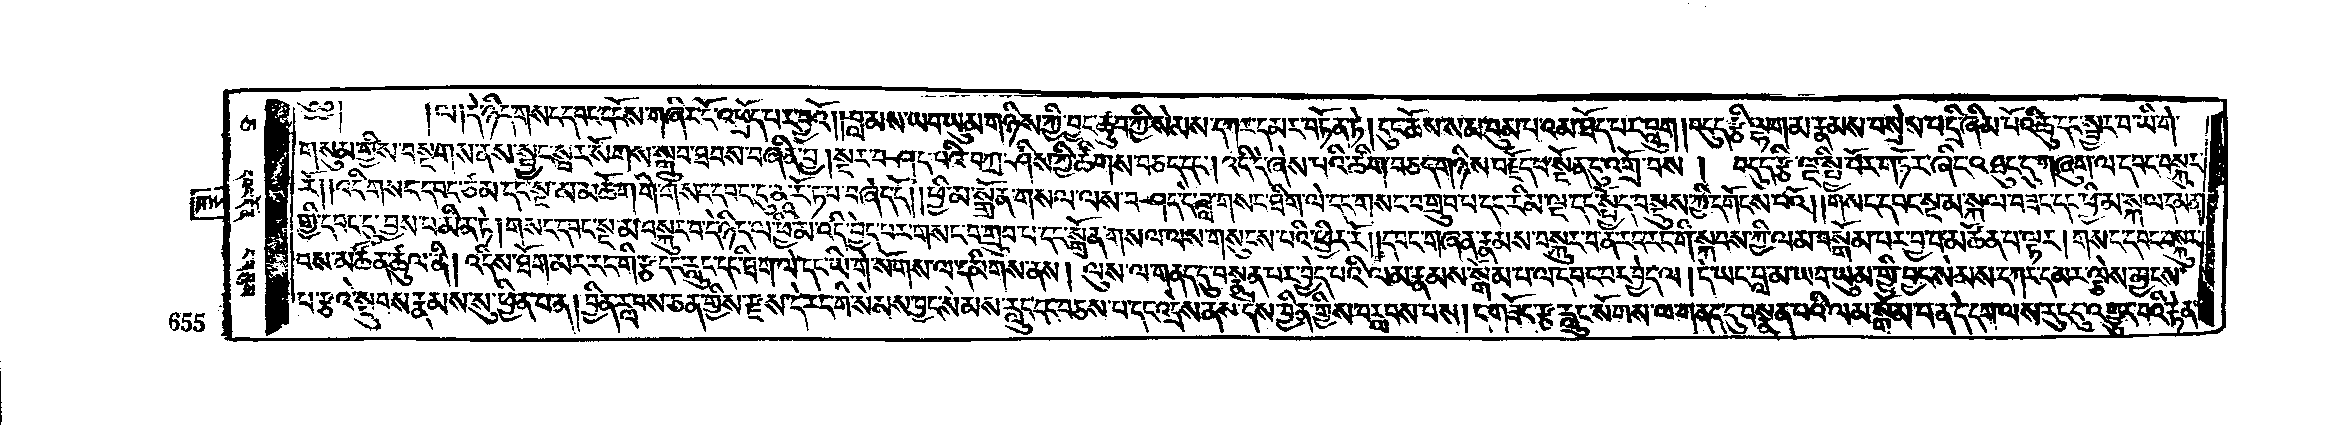༄༅། །ལ། དེ་ཉིད་གསང་དབང་དངོས་གཞིར་ངོ་འཕྲོད་པར་བྱའོ། །བླ་མས་ཡབ་ཡུམ་གཉིས་ཀྱི་བྱང་ཆུབ་ཀྱི་སེམས་དཀར་དམར་བཏོན་ཏེ། དུང་ཆོས་སམ་བུམ་པ་འམ་ཐོད་པར་བླུག །བདུད་རྩི་ལྷག་མ་རྣམས་བསྲེས་པ་དྲི་ཞིམ་པོའི་ཆུ་དང་སྦྱར་བ་ཡི་གེ་
གསུམ་གྱིས་བསྔགས་ནས་སྦྱང་སྦར་སོགས་སྒྲུབ་ཐབས་བཞིན་བྱ། སྔར་བཤད་པའི་བཀྲ་ཤིས་ཀྱི་ཚིགས་བཅད་དང་། འདི་དེ་ཞེས་པའི་ཚིག་བཅད་གཉིས་བརྗོད་པ་སྔོན་དུ་འགྲོ་བས། བདུད་རྩི་ལྔ་སྤྱི་བོར་གཏོར་ཞིང་འཐུང་དུ་གཞུག་ལ་དབང་བསྐུར་
རོ༑ ༑འདི་གསང་དབང་ཙམ་དང་སྔ་མ་མཆོག་གི་གསང་དབང་དུ་ནཱ་རོ་ཏ་པ་བཞེད་དོ། །ཕྱི་མ་སྒྲོན་གསལ་ལས་བཤད་དེ་ཟླ་གསང་ཐིག་ལེ་དང་གསང་བ་གྲུབ་པ་དང་རིམ་ལྔ་དང་སྤྱོད་བསྡུས་ཀྱི་དགོངས་པའོ། །གསང་དབང་སྔ་མ་སྐལ་བཟང་དང་ཕྱི་མ་སྐལ་དམན་
གྱི་དབང་དུ་བྱས་པ་མིན་ཏེ། གསང་དབང་སྔ་མ་བསྐུར་བ་དེ་ཉིད་ལ་ཕྱི་མ་འདི་བྱེད་པར་གསང་བ་གྲུབ་པ་དང་སྒྲོན་གསལ་ལས་གསུངས་པའི་ཕྱིར་རོ། །དབང་གཞན་རྣམས་བསྐུར་བ་ན་རང་རང་གི་སྐབས་ཀྱི་ལམ་བསྒོམ་པར་བྱ་བ་མཚོན་པ་ལྟ། གསང་དབང་བསྐུར་
བས་མཚོན་ཚུལ་ནི། འདིས་ཐོག་མར་རང་གི་རྩ་དང་རླུང་དང་ཐིག་ལེ་དང་ཡི་གེ་སོགས་ལ་དམིགས་ནས། ལུས་ལ་གནད་དུ་བསྣུན་པར་བྱེད་པའི་ལམ་རྣམས་སྒོམ་པ་ལ་དབང་བར་བྱེད་ལ། དེ་ཡང་བླ་མ་ཡབ་ཡུམ་གྱི་བྱང་སེམས་དཀར་དམར་ལྕེས་མྱངས་
པ་རྩའི་སྤུབས་རྣམས་སུ་ཕྱིན་པ་ན། བྱིན་རླབས་ཅན་གྱིས་རྫས་དེ་རང་གི་སེམས་བྱང་སེམས་རླུང་དང་བཅས་པ་དང་འདྲེས་ནས་དེས་བྱིན་གྱིས་བརླབས་པས། ད་གཟོད་རྩ་རླུང་སོགས་ལ་གནད་དུ་བསྣུན་པའི་ལམ་སྒོམ་པ་ན་དེ་དག་ལས་རུང་དུ་འགྱུར་བའི་རྟེན་